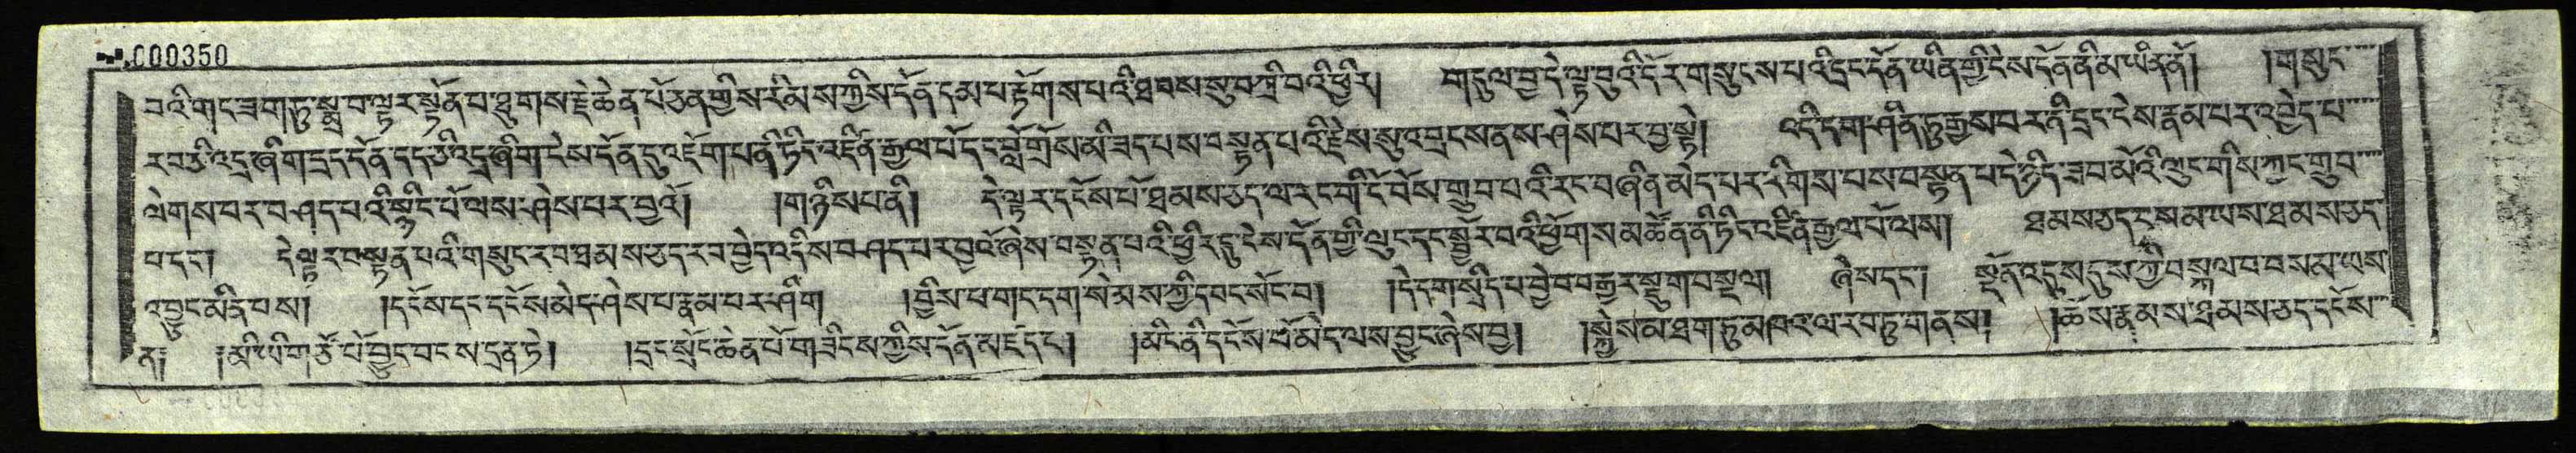བའི་གང་ཟག་ཏུ་སྨྲ་བ་ལྟར་སྟོན་པ་ཐུགས་རྗེ་ཆེན་པོ་ཅན་གྱིས་རིམས་ཀྱིས་དོན་དམ་པ་རྟོགས་པའི་ཐབས་སུ་བཀྲི་བའི་ཕྱིར། གདུལ་བྱ་དེ་ལྟ་བུའི་དོར་གསུངས་པའི་དྲང་དོན་ཡིན་གྱི་ངེས་དོན་ནི་མ་ཡིན་ནོ། །གསུང་
རབ་ཅི་འདྲ་ཞིག་དྲང་དོན་དད་ཅི་འདྲ་ཞིག་ངེས་དོན་དུ་འཇོག་པ་ནི་ཏིང་འཛིན་རྒྱལ་པོ་དང་བློ་གྲོས་མི་ཟད་པས་བསྟན་པའི་རྗེས་སུ་འབྲངས་ནས་ཤེས་པར་བྱ་སྟེ། འདི་དག་ཤིན་ཏུ་རྒྱས་བར་ནི་དྲང་ངེས་རྣམ་པར་འབྱེད་པ་
ལེགས་པར་བཤད་པའི་སྙིང་པོ་ལས་ཤེས་པར་བྱའོ། །གཉིས་པ་ནི། དེ་ལྟར་དངོས་པོ་ཐམས་ཅད་ལ་རང་གི་ངོ་བོས་གྲུབ་པའི་རང་བཞིན་མེད་པར་རིགས་པས་བསྟན་པ་དེ་ཉིད་ཟབ་མོའི་ལུང་གིས་ཀྱང་གྲུབ་
པ་དང་། དེ་ལྟར་བསྟན་པའི་གསུང་རབ་ཐམས་ཅད་རབ་བྱེད་འདིས་བཤད་པར་བྱའོ་ཞེས་བསྟན་པའི་ཕྱིར་དུ་ངེས་དོན་གྱི་ལུང་དང་སྦྱོར་བའི་ཕྱོགས་མཚོན་ནི་ཏིང་འཛིན་རྒྱལ་པོ་ལས། ཐམས་ཅད་བསམ་ཡས་ཐམས་ཅད་
འབྱུང་མིན་པས། །དངོས་དང་དངོས་མེད་ཤེས་པ་རྣམ་པར་ཤིག །བྱིས་པ་གང་དག་སེམས་ཀྱི་དབང་སོང་བ། །དེ་དག་སྲིད་པ་བྱེ་བ་བརྒྱར་སྡུག་བསྔལ། ཞེས་དང་། སྔོན་འདུས་དུས་ཀྱི་བསྐལ་བ་བསམ་ཡས་
ན༑ ༑མི་ཡི་གཙོ་བོ་བྱུང་བབས་དྲན་ཏེ། །དྲང་སྲོང་ཆེན་པོ་གཟིངས་ཀྱིས་དོན་མཛད་པ། །མིང་ནི་དངོས་པོ་མེད་ལས་བྱུང་ཞེས་བྱ། །སྐྱེས་མ་ཐག་ཏུ་མཁའ་ལ་རབ་ཏུ་གནས། །ཆོས་རྣམས་ཐམས་ཅད་དངོས་